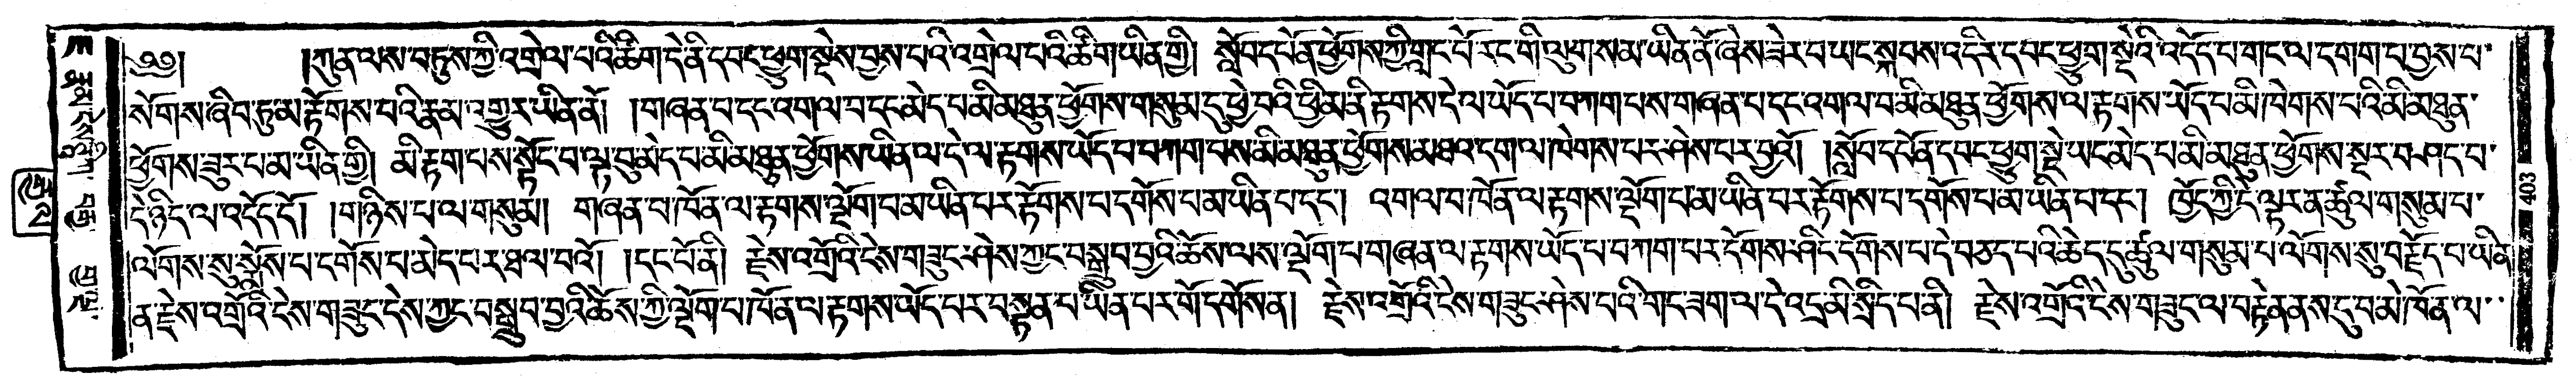༄༅། །ཀུན་ལས་བཏུས་ཀྱི་འགྲེལ་བའི་ཚིག་དེ་ནི་དབང་ཕྱུག་སྡེས་བྱས་པའི་འགྲེལ་པའི་ཚིག་ཡིན་གྱི། སློབ་དཔོན་ཕྱོགས་ཀྱི་གླང་པོ་རང་གི་ལུགས་མ་ཡིན་ནོ་ཞེས་ཟེར་བ་ཡང་སྐབས་འདིར་དབང་ཕྱུགས་སྡེའི་འདོད་པ་གང་ལ་དགག་པ་བྱས་པ་
སོགས་ཞི་བ་ཏུ་མ་རྟོགས་བའི་རྣམ་འགྱུར་ཡིན་ནོ། །གཞན་བ་དང་འགལ་བ་དང་མེད་པ་མི་མཐུན་ཕྱོགས་གསུམ་དུ་ཕྱེ་བའི་ཕྱི་མ་ནི་རྟགས་དེ་ལ་ཡོད་པ་བཀག་པས་གཞན་པ་དང་འགལ་བ་མི་མཐུན་ཕྱོགས་ལ་རྟགས་ཡོད་པ་མི་ཁེགས་པའི་མི་མཐུན་
ཕྱོགས་ཟུར་པ་མ་ཡིན་གྱི། མི་རྟག་པས་སྟོང་བ་ལྟ་བུ་མེད་པ་མི་མཐུན་ཕྱོགས་ཡིན་ལ་དེ་ལ་རྟགས་ཡོད་པ་བཀག་པས་མི་མཐུན་ཕྱོགས་མཐའ་དག་ལ་ཁེགས་པར་ཤེས་པར་བྱའོ། །སློབ་དཔོན་དབང་ཕྱུག་སྡེ་ཡང་མེད་པ་མི་མཐུན་ཕྱོགས་སྔར་བཤད་པ་
དེ་ཉིད་ལ་འདོད་དོ། །གཉིས་པ་ལ་གསུམ། གཞན་པ་ཁོ་ན་ལ་རྟགས་ལྡོག་པ་མ་ཡིན་པར་རྟོགས་པ་དགོས་པ་མ་ཡིན་པ་དང་། འགལ་བ་ཁོ་ན་ལ་རྟགས་ལྡོག་པ་མ་ཡིན་པར་རྟོགས་པ་དགོས་པ་མ་ཡིན་པ་དང་། ཁྱོད་ཀྱི་དེ་ལྟར་ན་ཚུལ་གསུམ་པ་
ལོགས་སུ་སྨོས་པ་དགོས་པ་མེད་པར་ཐལ་བའོ། །དང་པོ་ནི། རྗེས་འགྲོའི་ངེས་གཟུང་ཤེས་ཀྱང་བསྒྲུབ་བྱའི་ཆོས་ལས་ལྡོག་པ་གཞན་ལ་རྟགས་ཡོད་པ་བཀག་པར་དོགས་ཤིང་དོགས་པ་དེ་བཅད་པའི་ཆེད་དུ་ཚུལ་གསུམ་པ་ལོགས་སུ་བརྗོད་པ་ཡིན་
ན་རྗེས་འགྲོའི་ངེས་གཟུང་དེས་ཀྱང་བསྒྲུབ་བྱའི་ཆོས་ཀྱི་ལྡོག་པ་ཁོ་ན་ལ་རྟགས་ཡོད་པར་བསྟན་པ་ཡིན་པར་གོ་དགོས་ན། རྗེས་འགྲོའི་ངེས་གཟུང་ཤེས་པའི་གང་ཟག་ལ་དེ་འདྲ་མི་སྲིད་པ་ནི། རྗེས་འགྲོའི་ངེས་གཟུང་ལ་བརྟེན་ནས་དུ་བ་མེ་ཁོ་ན་ལ་